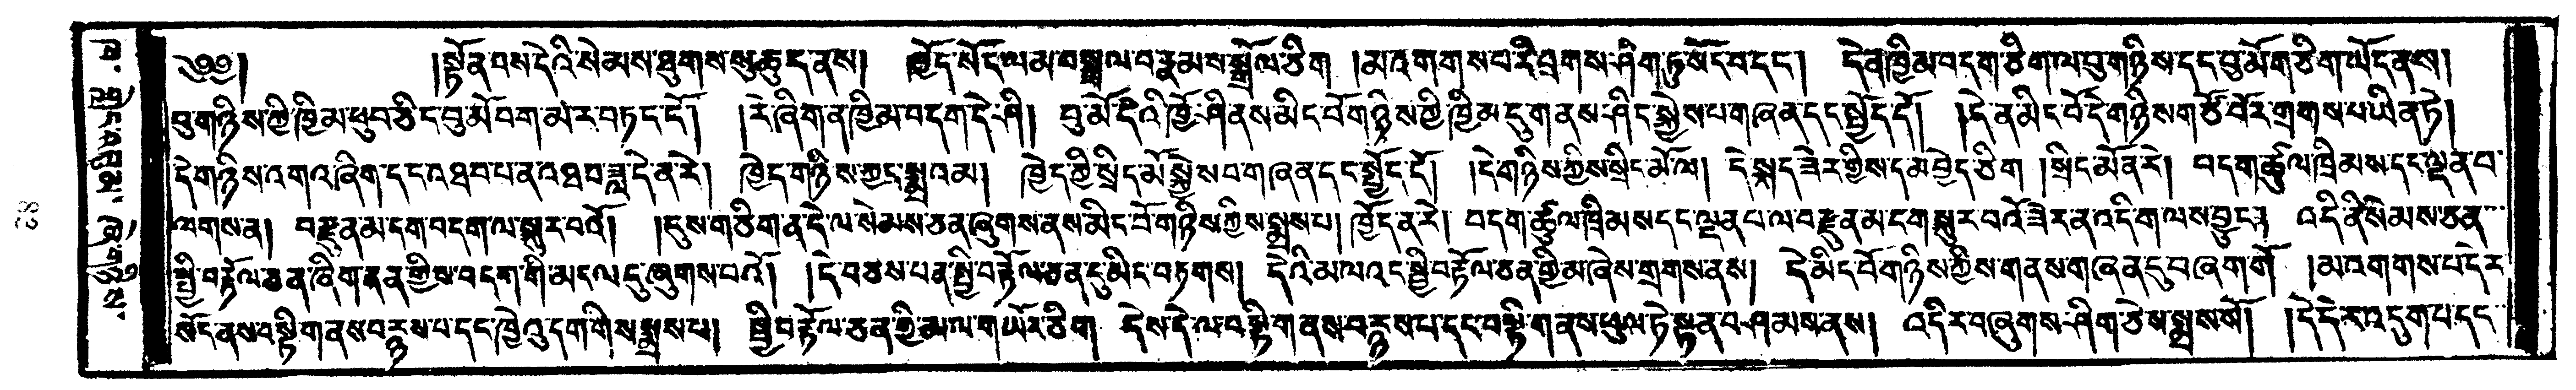༄༅། །སྟོན་བས་དེའི་སེམས་ཐུགས་སུ་ཆུད་ནས། ཁྱོད་སོང་ལ་མ་བསྒྲལ་བ་རྣམས་སྒྲོལ་ཅིག །མ་འགགས་པ་རི་བྲགས་ཤིག་ཏུ་སོང་བ་དང་། དེ་ན་ཁྱིམ་བདག་ཅིག་ལ་བུ་གཉིས་དང་བུ་མོ་གཅིག་ཡོད་ནས།
བུ་གཉིས་ཀྱི་ཁྱིམ་ཕུབ་ཅིང་བུ་མོ་བག་མར་བཏང་ངོ། །རེ་ཞིག་ན་ཁྱིམ་བདག་དེ་ཤི། བུ་མོ་དེའི་ཁྱོ་ཤི་ནས་མིང་བོ་གཉིས་ཀྱི་ཁྱིམ་དུ་གནས་ཤིང་སྐྱེས་པ་གཞན་དང་སྤྱོད་དོ། །དེ་ན་མིང་བོ་དེ་གཉིས་གཙོ་བོར་གྲགས་པ་ཡིན་ཏེ།
དེ་གཉིས་འགའ་ཞིག་དང་འཐབ་པ་ན་འཐབ་ཟླ་དེ་ན་རེ། ཁྱེད་གཉིས་ཀྱང་སྨྲའམ། ཁྱེད་ཀྱི་སྲིད་མོ་སྐྱེས་བ་གཞན་དང་སྤྱོད་དོ། །དེ་གཉིས་ཀྱིས་སྲིད་མོ་ལ། དེ་སྐད་ཟེར་གྱིས་དམ་བྱེད་ཅིག །སྲིང་མོ་ན་རེ། བདག་ཚུལ་ཁྲིམས་དང་ལྡན་པ་
ལགས་ན། བརྫུན་མ་དག་བདག་ལ་སྐུར་བའོ། །དུས་གཅིག་ན་དེ་ལ་སེམས་ཅན་ཞུགས་ནས་མིང་བོ་གཉིས་ཀྱིས་སྨྲས་པ། ཁྱོད་ན་རེ། བདག་ཚུལ་ཁྲིམས་དང་ལྡན་པ་ལ་བརྫུན་མ་དག་སྐུར་བའོ་ཟེར་ན་འདི་ག་ལས་བྱུང་། འདི་ནི་སེམས་ཅན་
སྤྱི་བརྟོལ་ཅན་ཞིག་ནན་གྱིས་བདག་གི་མངལ་དུ་ཞུགས་བའོ། །དེ་བཅས་པ་ན་སྤྱི་བརྟོལ་ཅན་དུ་མིང་བཏགས། དེའི་མ་ལའང་སྤྱི་བརྟོལ་ཅན་གྱི་མ་ཞེས་གྲགས་ནས། དེ་མིད་བོ་གཉིས་ཀྱིས་གནས་གཞན་དུ་བཞག་གོ །མ་འགགས་པ་དེར་
སོད་ནས་བསྟི་གནས་བརྙས་པ་དང་ཁྱེའུ་དག་གིས་སྨྲས་པ། སྦྱི་བརྟོལ་ཅན་གྱི་མ་ལ་གཡོར་ཅིག་དེས་དེ་ལ་བསྟི་གནས་བརྙས་པ་དང་བསྟི་གནས་ཕུལ་ཏེ་སྟན་བཤམས་ནས། འདིར་བཞུགས་ཤིག་ཅེས་སྨྲས་སོ། །དེ་དེར་འདུག་པ་དང་